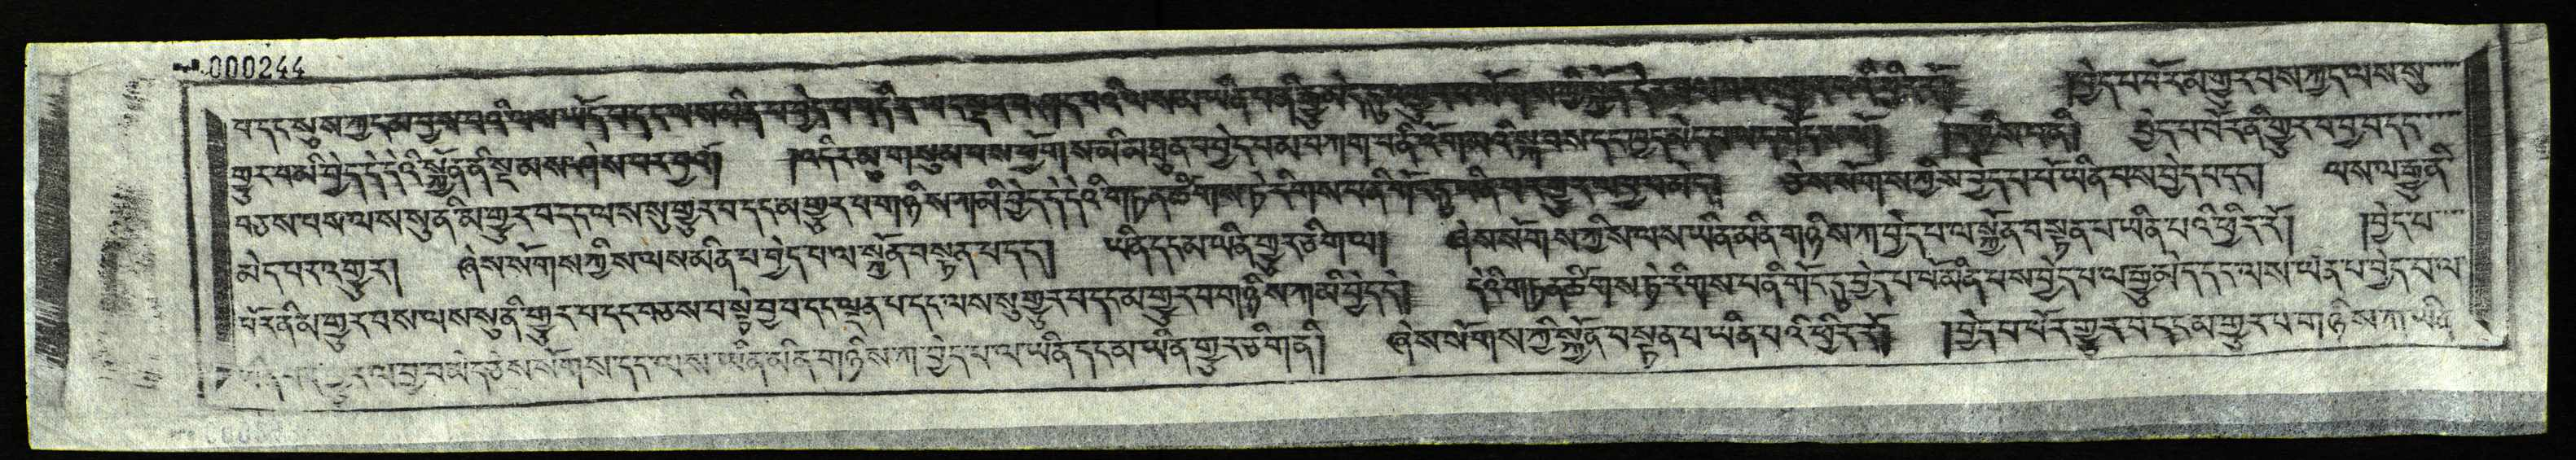པ་དང་སུས་ཀྱང་མ་བྱས་པའི་ལས་ཡོད་པ་དང་ལས་མིན་པ་བྱེད་པ་འདིར་ཡང་སྔར་བཤད་པའི་ལས་མ་ཡིན་པ་ནི་རྒྱུ་མེད་དུ་འགྱུར་པ་སོགས་ཀྱི་སྐྱོན་དེར་ཐལ་བར་འགྱུར་བའི་ཕྱིར་རོ། །བྱེད་པ་པོར་མ་གྱུར་བས་ཀྱང་ལས་སུ་
གྱུར་བ་མི་བྱེད་དེ་དེའི་སྐྱོན་ནི་སྔ་མས་ཤེས་པར་བྱའོ། །འདིར་སུ་གསུམ་པས་ཕྱོགས་མི་མཐུན་པ་བྱེད་པ་མ་བཀག་པ་ནི་འོག་པའི་སྐབས་དང་ཁྱད་མེད་པ་ལ་དགོངས་སོ། །གཉིས་པ་ནི། བྱེད་པ་པོར་ནི་གྱུར་བ་བྱ་བ་དང་
བཅས་པས་ལས་སུན་མི་གྱུར་བ་དང་ལས་སུ་གྱུར་བ་དང་མ་གྱུར་པ་གཉིས་ཀ་མི་བྱེད་དེའི་གཏན་ཚིགས་ཏེ་རིགས་པ་ནི་གོ་འདུ་ཡིན་པར་གྱུར་པ་བྱ་བ་མེད། ཅེས་སོགས་ཀྱིས་བྱེད་པ་པོ་ཡིན་པས་བྱེད་པ་དང་། ལས་ལ་རྒྱུ་ནི་
མེད་པར་འགྱུར། ཞེས་སོགས་ཀྱིས་ལས་མིན་པ་བྱེད་པ་ལ་སྐྱོན་བསྟན་པ་དང་། ཡིན་དང་མ་ཡིན་གྱུར་ཅིག་ལ། ཞེས་སོགས་ཀྱིས་ལས་ཡིན་མིན་གཉིས་ཀ་བྱེད་པ་ལ་སྐྱོན་བསྟན་པ་ཡིན་པའི་ཕྱིར་རོ། །བྱེད་པ་
པོར་ནི་མ་གྱུར་བས་ལས་སུ་ནི་གྱུར་པ་དང་བཅས་པ་སྟེ་བྱ་བ་དང་ལྡན་པ་དང་ལས་སུ་གྱུར་པ་དང་མ་གྱུར་བ་གཉིས་ཀ་མི་བྱེད་དེ། དེའི་གཏན་ཚིགས་ཏེ་རིགས་པ་ནི་གོང་དུ་བྱེད་པ་པོ་མིན་པས་བྱེད་པ་ལ་རྒྱུ་མེད་དང་ལས་ཡིན་པ་བྱེད་པ་ལ་
ཡིན་པར་གྱུར་ལ་བྱ་བ་མེད་ཅེས་སོགས་དང་ལས་ཡིན་མིན་གཉིས་ཀ་བྱེད་པ་ལ་ཡིན་དང་མ་ཡིན་གྱུར་ཅིག་ནི། ཞེས་སོགས་ཀྱི་སྐྱོན་བསྟན་པ་ཡིན་པའི་ཕྱིར་རོ། །བྱེད་པ་པོར་གྱུར་བ་དང་མ་གྱུར་པ་གཉིས་ཀ་ཡིན་